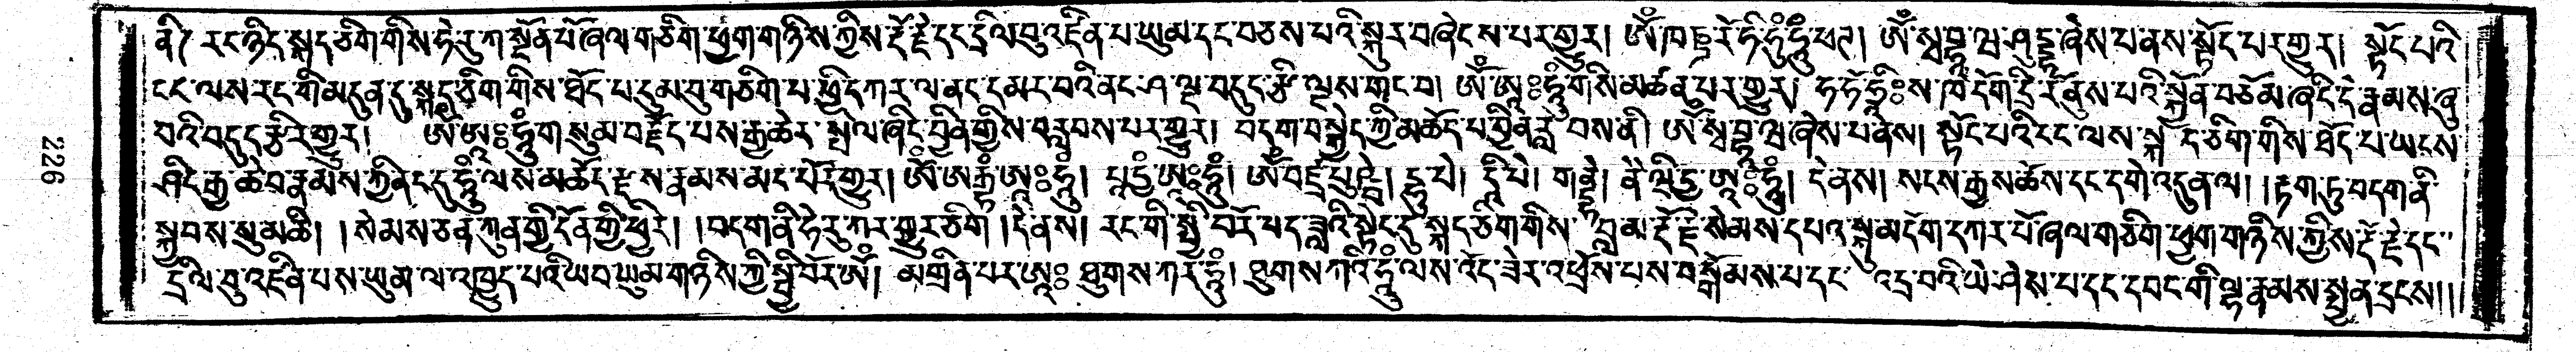ནི༑ རང་ཉིད་སྐད་ཅིག་གིས་ཧེ་རུ་ཀ་སྔོན་པོ་ཞལ་གཅིག་ཕྱག་གཉིས་ཀྱིས་རྡོ་རྗེ་དང་དྲིལ་བུ་འཛིན་པ་ཡུམ་དང་བཅས་པའི་སྐུར་བཞེངས་པར་གྱུར། ཨོཾ་ཁཎྜ་རོ་ཧི་ཧུ་ཧཱུཾ་ཕཊ། ཨོཾ་སྭ་བྷཱ་ཝ་ཤུདྡྷ་ཞེས་པ་ནས་སྟོང་པར་གྱུར། སྟོང་པའི་
ངང་ལས་རང་གི་མདུན་དུ་སྐད་ཅིག་གིས་ཐོད་པ་དུམ་བུ་གཅིག་པ་ཕྱི་དཀར་ལ་ནད་དམར་བའི་ནང་ཤ་ལྔ་བདུད་རྩི་ལྔས་གང་བ། ཨོཾ་ཨཱཿ ཧཱུཾ་གིས་མཚན་པར་གྱུར། ཧ་ཧོ་ཧྲཱིཿ ས་ཁ་དོག་དྲི་རོ་ནུས་པའི་སྐྱོན་བཅོམ་ཞིང་དེ་རྣམས་ཞུ་
བའི་བདུད་རྩིར་གྱུར། ཨོཾ་ཨཱཿ ཧཱུཾ་གསུམ་བརྗོད་པས་རྒྱ་ཆེར་སྤེལ་ཞིང་བྱིན་གྱིས་བརླབས་པར་གྱུར། བདག་བསྐྱེད་ཀྱི་མཆོད་པ་བྱིན་རླབས་ནི། ཨོཾ་སྭ་བྷཱ་ཝ་ཞེས་པ་ནས། སྟོང་པའི་ངང་ལས་སྐད་ཅིག་གིས་ཐོད་པ་ཡངས་
ཤིང་རྒྱ་ཆེ་བ་རྣམས་ཀྱི་ནང་དུ་ཧཱུཾ་ལས་མཆོད་རྫས་རྣམས་མང་པོར་གྱུར། ཨོཾ་ཨརྒྷཾ་ཨཱཿ ཧཱུཾ། པཱདྱཾ་ཨཱཿ ཧཱུཾ། ཨོཾ་བཛྲ་པུཥྤེ། དྷུ་པེ། དཱི་པེ། གནྡྷེ། ནཻ་ཝི་དྱ་ཨཱཿ ཧཱུཾ། དེ་ནས། སངས་རྒྱས་ཆོས་དང་དགེ་འདུན་ལ། །རྟག་ཏུ་བདག་ནི་
སྐྱབས་སུ་མཆི། །སེམས་ཅན་ཀུན་གྱི་དོན་གྱི་ཕྱིར། །བདག་ནི་ཧེ་རུ་ཀར་གྱུར་ཅིག །དེ་ནས། རང་གི་སྤྱི་བོར་པད་ཟླའི་སྟེང་དུ་སྐད་ཅིག་གིས་བླ་མ་རྡོ་རྗེ་སེམས་དཔའ་སྐུ་མདོག་དཀར་པོ་ཞལ་གཅིག་ཕྱག་གཉིས་ཀྱིས་རྡོ་རྗེ་དང་
དྲིལ་བུ་འཛིན་པས་ཡུམ་ལ་འཁྱུད་པའི་ཡབ་ཡུམ་གཉིས་ཀྱི་སྤྱི་བོར་ཨོཾ། མགྲིན་པར་ཨཱཿ ཐུགས་ཀར་ཧཱུཾ། ཐུགས་ཀའི་ཧཱུཾ་ལས་འོད་ཟེར་འཕྲོས་པས་བསྒོམས་པ་དང་འདྲ་བའི་ཡེ་ཤེས་པ་དང་དབང་གི་ལྷ་རྣམས་སྤྱན་དྲངས། །